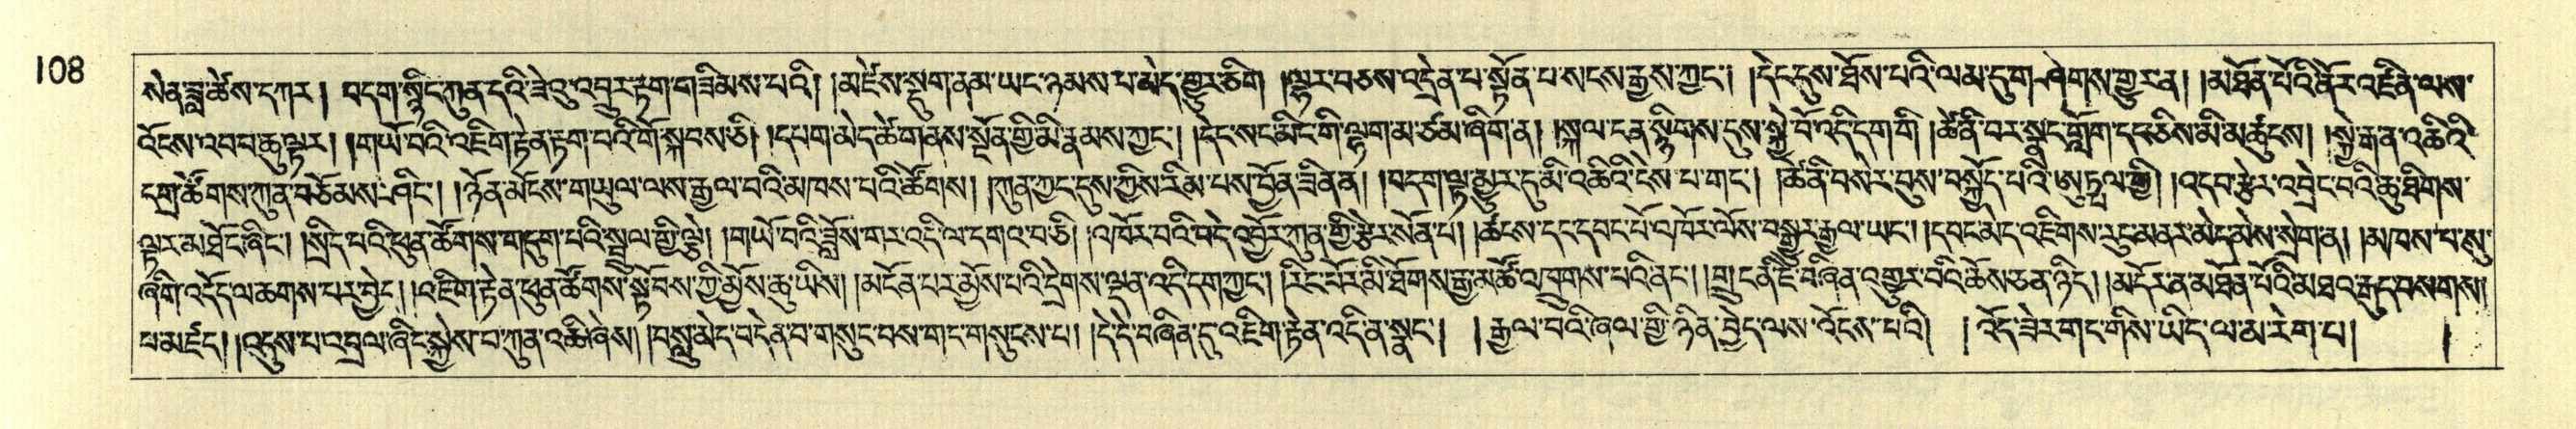སེན་ཟླ་ཚེས་དཀར། བདག་སྙིང་ཀུན་དའི་ཟེའུ་འབྲུར་རྟག་གཟིམས་པའི། །མཛེས་སྡུག་ནམ་ཡང་ཉམས་པ་མེད་གྱུར་ཅིག །ལྷར་བཅས་འདྲེན་པ་སྟོན་པ་སངས་རྒྱས་ཀྱང་། །དེང་དུས་ཐོས་པའི་ལམ་དུ་གཤེགས་གྱུར་ན། །མཐོན་པོའི་ནོར་འཛིན་ལས་
འོངས་འབབ་ཆུ་ལྟར། །གཡོ་བའི་འཇིག་རྟེན་རྟག་པའི་གོ་སྐབས་ཅི། །དཔག་མེད་ཚེ་གནས་སྔོན་གྱི་མི་རྣམས་ཀྱང་། །དེང་སང་མིང་གི་ལྷག་མ་ཙམ་ཞིག་ན། །སྐལ་ངན་སྙིགས་དུས་སྐྱེ་བོ་འདི་དག་གི །ཚེ་ནི་བར་སྣང་གློག་དང་ཅིས་མི་མཚུངས། །སྐྱེ་རྒ་ན་འཆིའི་
དགྲ་ཚོགས་ཀུན་བཅོམས་ཤིང་། །ཉོན་མོངས་གཡུལ་ལས་རྒྱལ་བའི་མཁས་པའི་ཚོགས། །ཀུན་ཀྱང་དུས་ཀྱིས་རིམ་པས་བྱོན་ཟིན་ན། །བདག་ལྟ་མྱུར་དུ་མི་འཆིའི་ངེས་པ་གང་། །ཚེ་ནི་བསེར་བུས་བསྐྱོད་པའི་ཨུཏྤལ་གྱི། །འདབ་རྩེར་འབྲེང་བའི་ཆུ་ཐིགས་
ལྟར་མཐོང་ཞིང་། །སྲིད་པའི་ཕུན་ཚོགས་གདུག་པའི་སྦྲུལ་གྱི་ལྕེ། །གཡོ་བའི་ཟློས་གར་འདི་ལ་དགའ་བ་ཅི། །འཁོར་བའི་བདེ་འབྱོར་ཀུན་གྱི་རྩེར་སོན་པ། །ཚངས་དང་དབང་པོ་འཁོར་ལོས་བསྒྱུར་རྒྱལ་ཡང་། །དབང་མེད་འཇིགས་རུང་མནར་མེད་མེས་སྲེག་ན། །མཁས་པ་སུ་
ཞིག་འདོད་ལ་ཆགས་པར་བྱེད། །འཇིག་རྟེན་ཕུན་ཚོགས་སྟོབས་ཀྱི་མྱོས་ཆུ་ཡིས། །མངོན་པར་མྱོས་པའི་དྲེགས་ལྡན་འདི་དག་ཀྱང་། །རིང་པོར་མི་ཐོགས་རྒྱ་མཚོ་འཁྲུགས་པའི་ནང་། །གྲུང་ན་ཇི་བཞིན་འགྱུར་བའི་ཆོས་ཅན་ཉིད། །མདོར་ན་མཐོན་པོའི་མཐའ་རྒུད་བསགས།
པ་མཛད། །འདུས་པ་འབྲལ་ཞིང་སྐྱེས་པ་ཀུན་འཆི་ཞེས། །བསླུ་མེད་བདེན་པ་གསུང་བས་གང་གསུངས་པ། །དེ་དེ་བཞིན་དུ་འཇིག་རྟེན་འདི་ན་སྣང་། །རྒྱལ་བའི་ཞལ་གྱི་ཉིན་བྱེད་ལས་འོངས་པའི། །འོད་ཟེར་གང་གིས་ཡིད་ལ་མ་རེག་པ། །